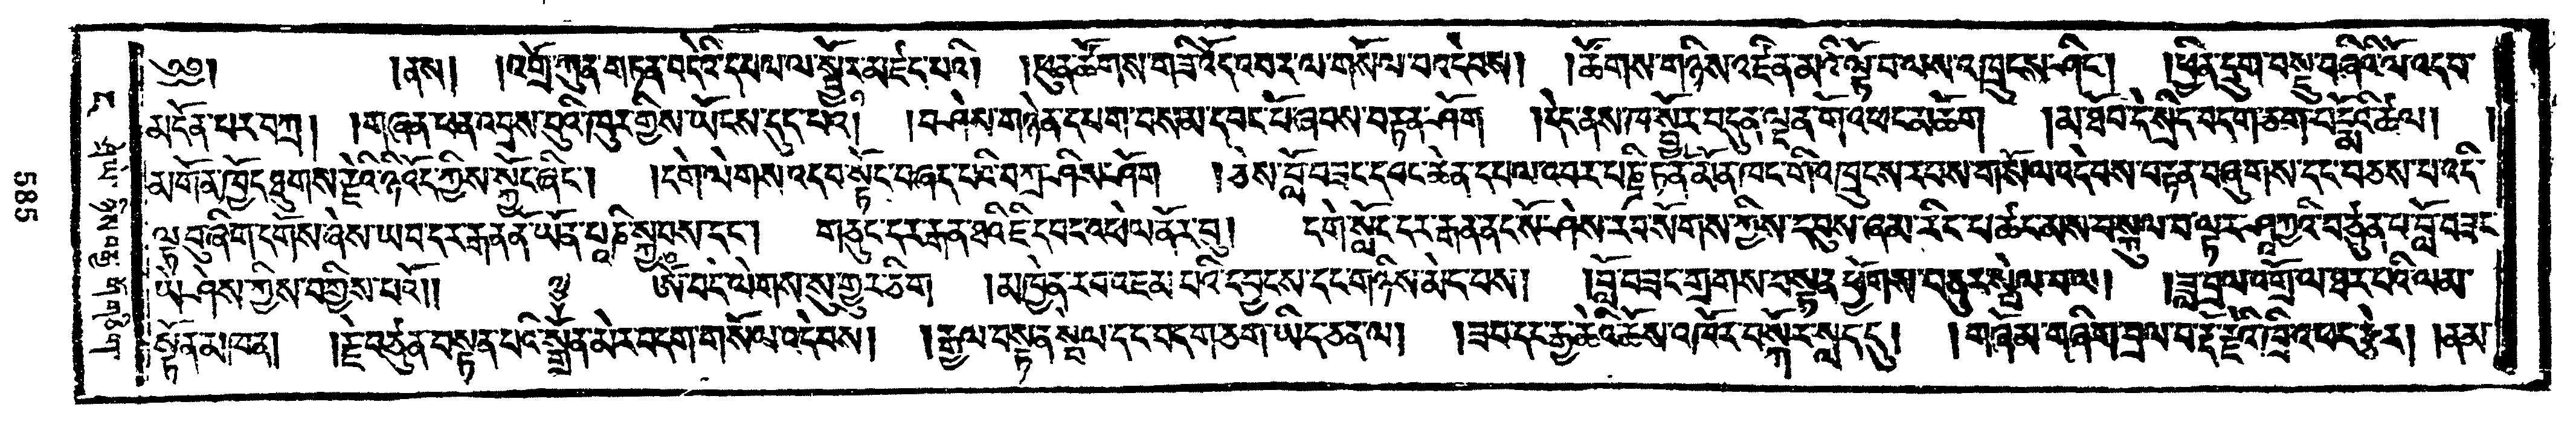༄༅། །ནས། །འགྲོ་ཀུན་གཏན་བདེའི་དཔལ་ལ་སྦྱོར་མཛད་པའི། །ཕུན་ཚོགས་གཟི་འོད་འབར་ལ་གསོལ་བ་འདེབས། །ཚོགས་གཉིས་འཛིན་མའི་ལྟོ་བ་ལས་འཁྲུངས་ཤིང་། །ཕྱིན་དྲུག་བསྡུ་བཞིའི་ལོ་འདབ་
མདོན་པར་བཀྲ། །གཞན་ཕན་འབྲས་བུའི་ཁུར་གྱིས་ཡོངས་དུང་པའོ། །བཤེགས་གཉེན་དཔག་བསམ་དབང་པོ་ཞབས་བརྟན་ཤོག །དེང་ནས་ཁ་སྦྱོར་བདུན་ལྡན་གོ་འཕང་མཆོག །མ་ཐོབ་དེ་སྲིད་བདག་ཅག་པདམོའི་ཚལ། །
མགོན་ཁྱོད་ཐུགས་རྗེའི་ཉི་འོད་ཀྱིས་སྐྱོང་ཞིང་། །དགེ་ལེགས་འདབ་སྟོང་བཞད་པའི་བཀྲ་ཤིས་ཤོག །ཅེས་བློ་བཟང་དབང་ཆེན་དཔལ་འབར་པཎྜི་ཏ་ནོ་མོན་ཁང་གི་འཁྲུངས་རབས་གསོལ་འདེབས་བརྟན་བཞུགས་དང་བཅས་པ་འདི་
ལྟ་བུ་ཞིག་དགོས་ཞེས་ཡབ་དར་རྒན་ནོ་ཡོན་པཱ་ཎི་སྐྱབས་དང་། གཅུང་དར་རྒན་ཐའི་ཇི་དབང་འཕེལ་ནོར་བུ། དགེ་སློང་དར་རྒན་ནང་སོ་ཤེས་རབ་སོགས་ཀྱིས་དབུས་ཞམ་རིང་པ་ཚང་མས་བསྐུལ་བ་ལྟར་ཤཱཀྱའི་བཙུན་པ་བློ་བཟང་
ཡེ་ཤེས་ཀྱིས་བགྱིས་པའོ།། ༈ ཨོཾ་བདེ་ལེགས་སུ་གྱུར་ཅིག །མཁྱེན་རབ་འཇམ་པའི་དབྱངས་དང་གཉིས་མེད་པས། །བློ་བཟང་གྲགས་བསྟན་ཕྱོགས་བཅུར་སྤེལ་བ་ལ། །ཟླ་བྲལ་འགྲོ་ལ་ཐར་པའི་ལམ་
སྟོན་མཁན། །རྗེ་བཙུན་བསྟན་པའི་སྒྲོན་མེར་བདག་གསོལ་འདེབས། །རྒྱལ་བསྟན་སྤེལ་དང་བདག་ཅག་ཡིད་ཅན་ལ། །ཟབ་དང་རྒྱ་ཆེའི་ཆོས་འཁོར་བསྐོར་སླད་དུ། །གཞོམ་གཞིག་བྲལ་བ་རྡོ་རྗེའི་ཁྲི་འཕང་རྩེར། །ནམ་